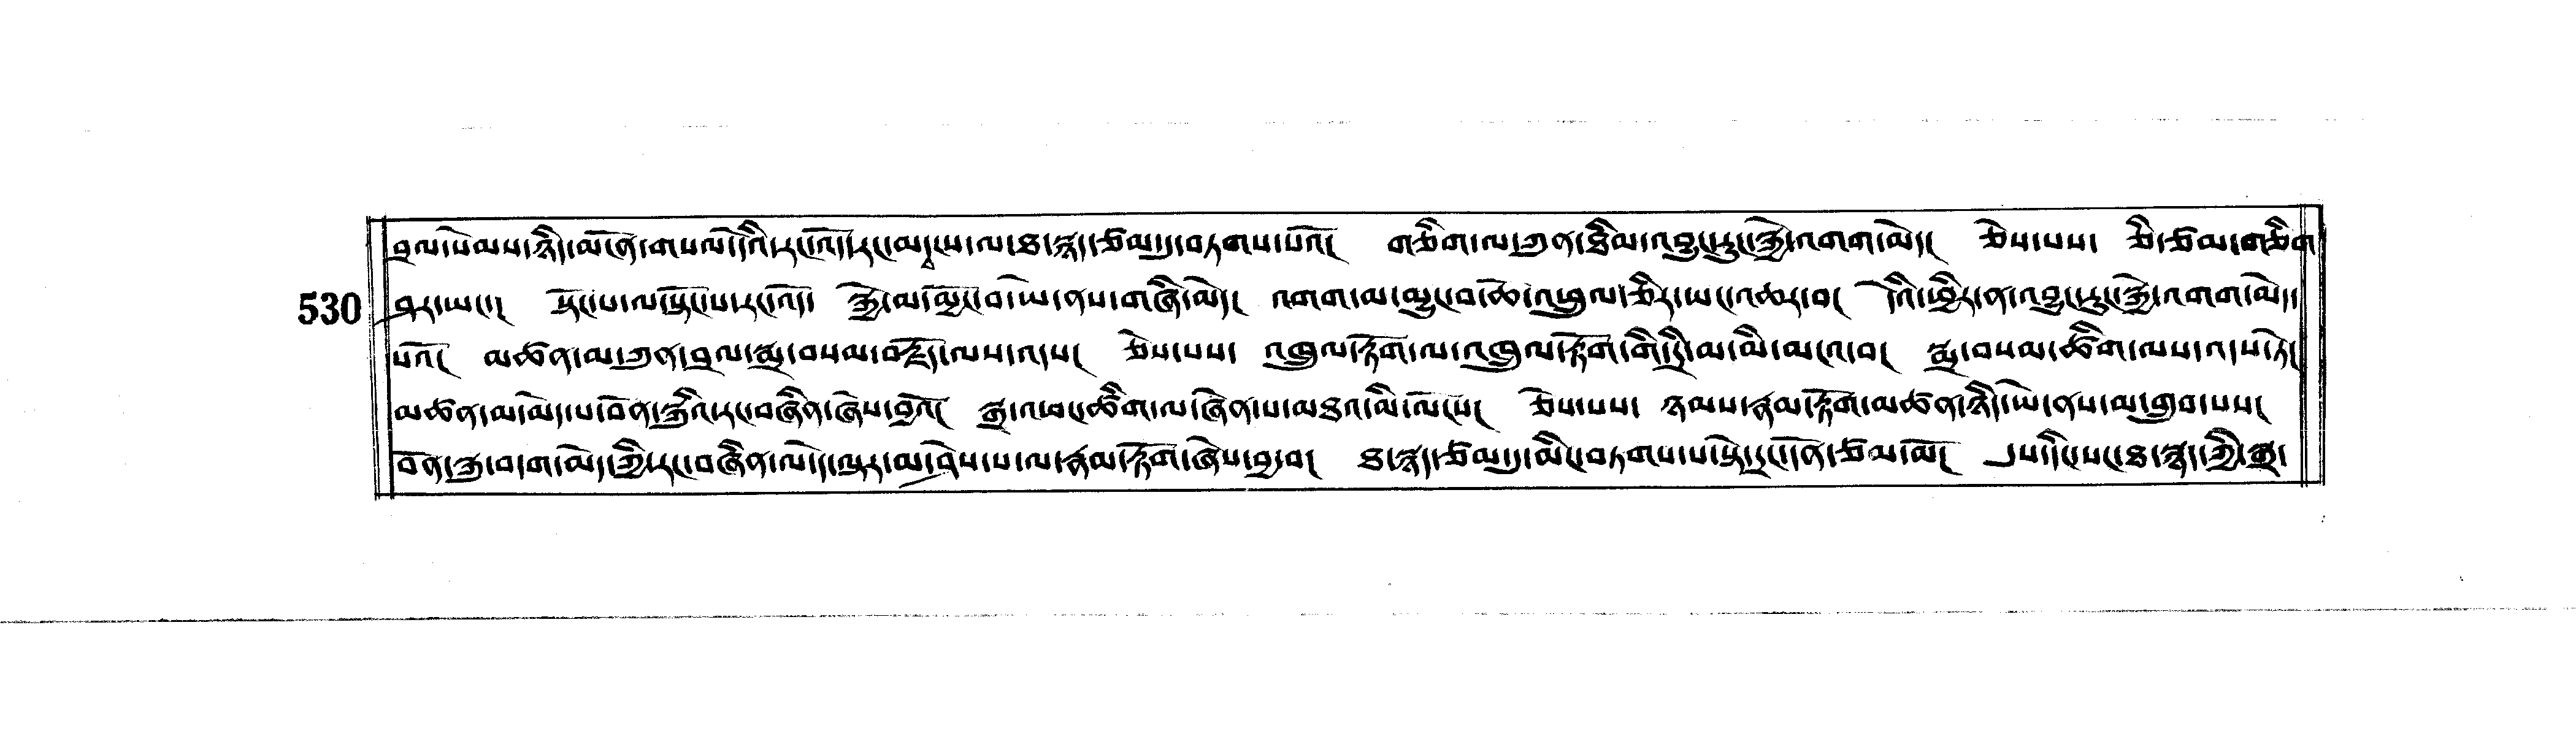བྲལ་སེམས་ཉིད་མངོན་གསལ་དེའི་རང་འོད་རང་མདངས་ལ་ཐ་སྙད་ཙམ་དུ་བཏགས་པའོ། གཅིག་ལ་ཀུན་ཐིམ་འབྱུང་རུང་སྐྱེ་འགག་མེད། ཅེས་པས། ཅི་ཙམ་གཅིག་
ཤར་ཡང་། སྟོང་པ་ལ་སྟོང་པ་རང་འོད། སྐྱེ་མ་མྱོང་བ་ཡེ་ནས་གཞི་མེད། འགག་མ་མྱོང་བ་ཆོ་འཕྲུལ་ཅིར་ཡང་འཆར་བ། དེའི་ཕྱིར་ན་འབྱུང་རུང་སྐྱེ་འགག་མེད་
པའོ། མཚན་མ་ཀུན་བྲལ་སྨྲ་བསམ་བརྗོད་ལས་འདས། ཅེས་པས། འཁྲུལ་རྟོག་ལ་འཁྲུལ་རྟོག་གི་དྲི་མ་མི་མངའ་བ། སྨྲ་བསམ་ཚིག་ལས་འདས་ཏེ། 
མཚན་མ་མེད་ལ་བོན་སྐུའི་རང་བཞིན་ཞེས་བྱའོ། སྒྲ་འཕང་ཚིག་ལ་ཞེན་པ་མཐའ་མི་ལོངས། ཅེས་པས། ཉམས་རྣམ་རྟོག་མཚན་ཉིད་ཡེ་ནས་མ་གྲུབ་པས། 
བོན་སྐུ་བདག་མེད་ཀྱི་རང་བཞིན་ལ་དེ་ལྟར་མ་ཤེས་པ་ལ་རྣམ་རྟོག་ཞེས་བྱ་བ། ཐ་སྙད་ཙམ་དུ་མིང་བཏགས་པ་སྟེ། དྲང་དོན་ཙམ་མོ། དུས་དེང་སང་ཐ་སྙད་ཀྱི་སྒྲ་